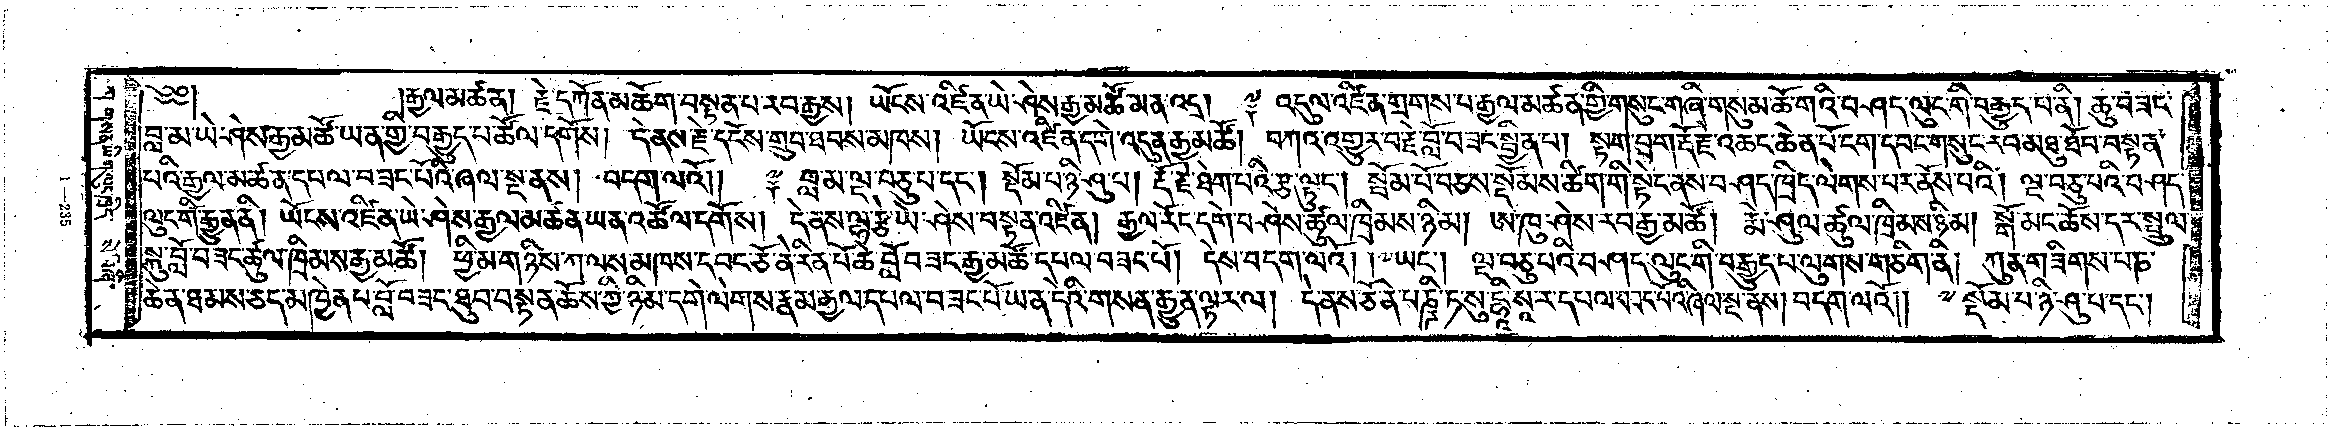༄༅། །རྒྱལ་མཚན། རྗེ་དཀོན་མཆོག་བསྟན་པ་རབ་རྒྱས། ཡོངས་འཛིན་ཡེ་ཤེས་རྒྱ་མཚོ་མན་འདྲ། འ་འདུལ་འཛིན་གྲགས་པ་རྒྱལ་མཚན་གྱི་གསུང་གཞི་གསུམ་ཆོ་གའི་བཤད་ལུང་གི་བརྒྱུད་པ་ནི། ཆུ་བཟང་
བླ་མ་ཡེ་ཤེས་རྒྱ་མཚོ་ཡན་གྱི་བརྒྱུད་པ་ཚོལ་དགོས། དེ་ནས་རྗེ་དངོས་གྲུབ་ཐབས་མཁས། ཡོངས་འཛིན་དགེ་འདུན་རྒྱ་མཚོ། བཀའ་འགྱུར་བ་རྗེ་བློ་བཟང་སྦྱིན་པ། སྟག་བྲག་རྡོ་རྗེ་འཆང་ཆེན་པོ་ངག་དབང་གསུང་རབ་མཐུ་ཐོབ་བསྟན་
པའི་རྒྱལ་མཚན་དཔལ་བཟང་པོའི་ཞལ་སྔ་ནས། བདག་ལའོ།། འ་བླ་མ་ལྔ་བཅུ་པ་དང་། སྡོམ་པ་ཉི་ཤུ་པ། རྡོ་རྗེ་ཐེག་པའི་རྩ་ལྟུང་། སྦོམ་པོ་བཅས་སྡོམས་ཚིག་གི་སྟེང་ནས་བཤད་ཁྲིད་ལེགས་པར་ནོས་པའི། ལྔ་བཅུ་པའི་བཤད་
ལུང་གི་རྒྱུན་ནི། ཡོངས་འཛིན་ཡེ་ཤེས་རྒྱལ་མཚན་ཡན་འཚོལ་དགོས། དེ་ནས་ལྷ་རྩེ་ཡེ་ཤེས་བསྟན་འཛིན། རྒྱལ་རོང་དགེ་བཤེས་ཚུལ་ཁྲིམས་ཉི་མ། ཨ་ཁུ་ཤེས་རབ་རྒྱ་མཚོ། རྨེ་ཤུལ་ཚུལ་ཁྲིམས་ཉི་མ། སྒོ་མང་ཆོས་དར་སྤྲུལ་
སྐུ་བློ་བཟང་ཚུལ་ཁྲིམས་རྒྱ་མཚོ། ཕྱི་མ་གཉིས་ཀ་ལས་མཁས་དབང་ཅོ་ནེ་རིན་པོ་ཆེ་བློ་བཟང་རྒྱ་མཚོ་དཔལ་བཟང་པོ། དེས་བདག་ལའོ། །༧ཡང་། ལྔ་བཅུ་པའི་བཤད་ལུང་གི་བརྒྱུད་པ་ལུགས་གཅིག་ནི། ཀུན་གཟིགས་པཎ་
ཆེན་ཐམས་ཅད་མཁྱེན་པ་བློ་བཟང་ཐུབ་བསྟན་ཆོས་ཀྱི་ཉི་མ་དགེ་ལེགས་རྣམ་རྒྱལ་དཔལ་བཟང་པོ་ཡན་དེའི་གསན་རྒྱུན་ལྟར་ལ། དེ་ནས་ཅོ་ནེ་པཎྜི་ཏ་སུ་དྷཱི་སཱ་ར་དཔལ་བཟང་པོའི་ཞལ་སྔ་ནས། བདག་ལའོ།། ༧སྡོམ་པ་ཉི་ཤུ་པ་དང་།